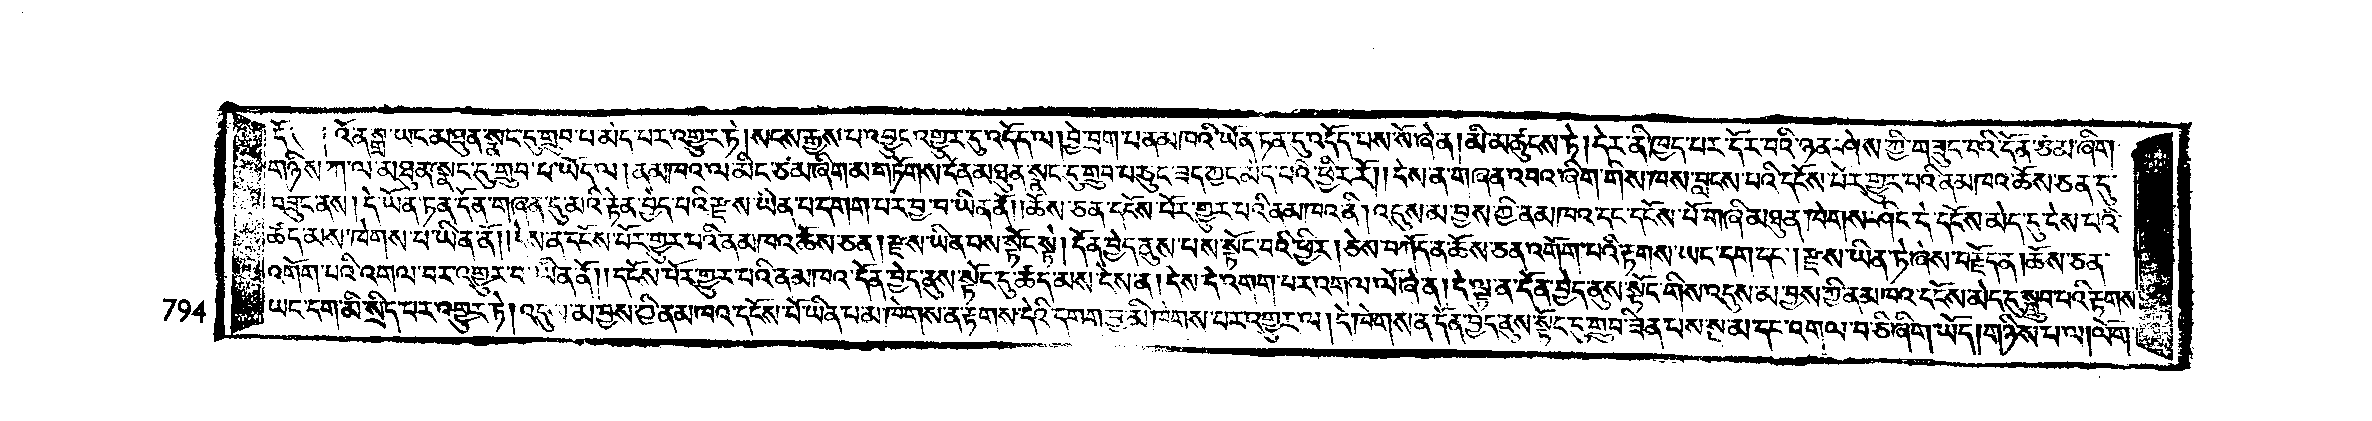དོ༑ H ?འོ་ན་སྒྲ་ཡང་མཐུན་སྣང་དུ་གྲུབ་པ་མེད་པར་འགྱུར་ཏེ། སངས་རྒྱས་པ་འབྱུང་འགྱུར་དུ་འདོད་ལ། བྱེ་བྲག་པ་ནམ་མཁའི་ཡོན་ཏན་དུ་འདོད་པས་སོ་ཞེ་ན། མི་མཚུངས་ཏེ། དེར་ནི་ཁྱད་པར་དོར་བའི་ཉན་ཤེས་ཀྱི་གཟུང་བའི་དོན་ཙམ་ཞིག་
གཉིས་ཀ་ལ་མཐུན་སྣང་དུ་གྲུབ་པ་ཡོད་ལ། ནམ་མཁའ་ལ་མིང་ཙམ་ཞིག་མ་གཏོགས་དོན་མཐུན་སྣང་དུ་གྲུབ་པ་ཅུང་ཟད་ཀྱང་མེད་པའི་ཕྱིར་རོ། །ངེས་ན་གཞན་འབའ་ཞིག་གིས་ཁས་བླངས་པའི་དངོས་པོར་གྱུར་པའི་ནམ་མཁའ་ཆོས་ཅན་དུ་
བཟུང་ནས། དེ་ཡོན་ཏན་དོན་གཞན་དུ་མའི་རྟེན་བྱེད་པའི་རྫས་ཡིན་པ་དགག་པར་བྱ་བ་ཡིན་ནོ། །ཆོས་ཅན་དངོས་པོར་གྱུར་པའི་ནམ་མཁའ་ནི། འདུས་མ་བྱས་ཀྱི་ནམ་མཁའ་དང་དངོས་པོ་གཞི་མཐུན་ཁེགས་ཤིང་དེ་དངོས་མེད་དུ་ངེས་པའི་
ཚད་མས་ཁེགས་པ་ཡིན་ནོ། །དེས་ན་དངོས་པོར་གྱུར་པའི་ནམ་མཁའ་ཆོས་ཅན། རྫས་ཡིན་པས་སྟོང་སྟེ། དོན་བྱེད་ནུས་པས་སྟེང་བའི་ཕྱིར། ཅེས་བཀོད་ན་ཆོས་ཅན་འགོག་པའི་རྟགས་ཡང་དག་དང་། རྫས་ཡིན་ཏེ་ཞེས་བརྗོད་ན། ཆོས་ཅན་
འགོག་པའི་འགལ་བར་འགྱུར་བ་ཡིན་ནོ། །དངོས་པོར་གྱུར་པའི་ནམ་མཁའ་དོན་བྱེད་ནུས་སྟོང་དུ་ཚད་མས་ངེས་ན། དེས་དེ་འགག་པར་འགལ་ལོ་ཞེ་ན། དེ་ལྟ་ན་དོན་བྱེད་ནུས་སྟོང་གིས་འདུས་མ་བྱས་ཀྱི་ནམ་མཁའ་དངོས་མེད་དུ་སྒྲུབ་པའི་རྟགས་
ཡང་དག་མི་སྲིད་པར་འགྱུར་ཏེ། འདུས་མ་བྱས་ཀྱི་ནམ་མཁའ་དངོས་པོ་ཡིན་པ་མ་ཁེགས་ན་རྟགས་དེའི་དགག་བྱ་མི་ཁེགས་པར་འགྱུར་ལ། དེ་ཁེགས་ན་དོན་བྱེད་ནུས་སྟོང་དུ་གྲུབ་ཟིན་པས་སྔ་མ་དང་འགལ་བ་ཅི་ཞིག་ཡོད། གཉིས་པ་ལ། ལོག་